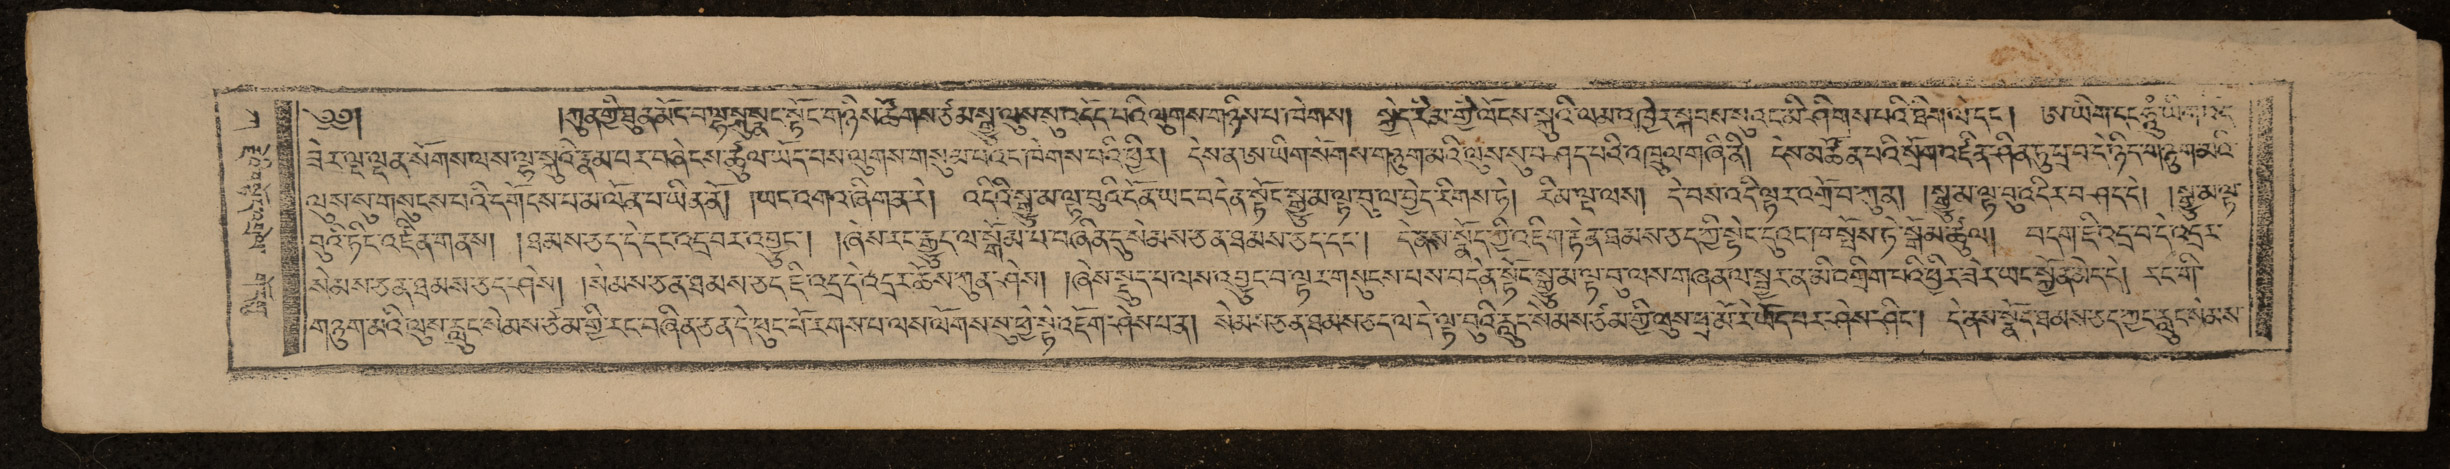༄༅། །ཀུན་གྱི་ཐུན་མོང་བ་ལྷ་སྐུ་སྣང་སྟོང་གཉིས་ཚོགས་ཙམ་སྒྱུ་ལུས་སུ་འདོད་པའི་ལུགས་གཉིས་པ་ཁེགས། བསྐྱེད་རིམ་གྱི་ལོངས་སྐུའི་ལམ་འཁྱེར་སྐབས་སུའང་མི་ཤིགས་བའི་ཐིག་ལེ་དང་། ཨ་ཡིག་དང་ཧཱུཾ་ཡིག་འོད་
ཟེར་ལྔ་ལྡན་སོགས་ལས་ལྷ་སྐུའི་རྣམ་པར་བཞེངས་ཚུལ་ཡོད་པས་ལུགས་གསུམ་པའང་ཁེགས་པའི་ཕྱིར། དེས་ན་ཨ་ཡིག་སོགས་གཉུག་མའི་ལུས་སུ་བཤད་པའི་འཁྲུལ་གཞི་ནི། དེས་མཚོན་པའི་སྲོད་འཛིན་ཤིན་ཏུ་ཕྲ་བ་དེ་ཉིད་གཉུག་མའི་
ལུས་སུ་གསུངས་པའི་དགོངས་པ་མ་ལོན་པ་ཡིན་ནོ། །ཡང་འགའ་ཞིག་ན་རེ། འདིའི་སྒྱུ་མ་ལྟ་བུའི་དོན་ཡང་བདེན་སྟོང་སྒྱུ་མ་ལྟ་བུ་ལ་བྱེད་རིགས་ཏེ། རིམ་ལྔ་ལས། དེ་བས་འདི་ལྟར་འགྲོ་བ་ཀུན། །སྒྱུ་མ་ལྟ་བུ་འདིར་བཤད་དེ། །སྒྱུ་མ་ལྟ་
བུའི་ཏིང་འཛིན་གནས། །ཐམས་ཅད་དེ་དང་འདྲ་བར་འབྱུང་། །ཞེས་རང་རྒྱུད་ལ་སྒོམ་པ་བཞིན་དུ་སེམས་ཅན་ཐམས་ཅད་དང་། དེ་ནས་སྣོད་ཀྱི་འཇིག་རྟེན་ཐམས་ཅད་ཀྱི་སྟེང་དུའང་ཁ་བློས་ཏེ་སྒོམ་ཚུལ། བདག་ཇི་འདྲ་བ་དེ་འདྲར་
སེམས་ཅན་ཐམས་ཅད་ཤེས། །སེམས་ཅན་ཐམས་ཅད་ཇི་འདྲ་དེ་འདྲར་ཆོས་ཀུན་ཤེས། །ཞེས་སྡུད་པ་ལས་འབྱུང་བ་ལྟར་གསུངས་པས་བདེན་སྟོང་སྒྱུ་མ་ལྟ་བུ་ལས་གཞན་ལ་སྦྱས་ན་མི་འགྲིག་པའི་ཕྱིར་ཟེར་ཡང་སྐྱོན་མེད་དེ། རང་གི་
གཉུག་མའི་ལུས་རླུང་སེམས་ཙམ་གྱི་རང་བཞིན་ཅན་དེ་ཕུང་པོ་རགས་པ་ལས་ལོགས་སུ་ཕྱེ་སྟེ་འཇོག་ཤེས་པ་ན། སེམས་ཅན་ཐམས་ཅད་ལ་དེ་ལྟ་བུའི་རླུང་སེམས་ཙམ་གྱི་ལུས་བྲ་མོ་རེ་ཡོད་པར་ཤེས་ཤིང་། དེ་ནས་སྣོད་ཐམས་ཅད་ཀྱང་རླུང་སེམས་